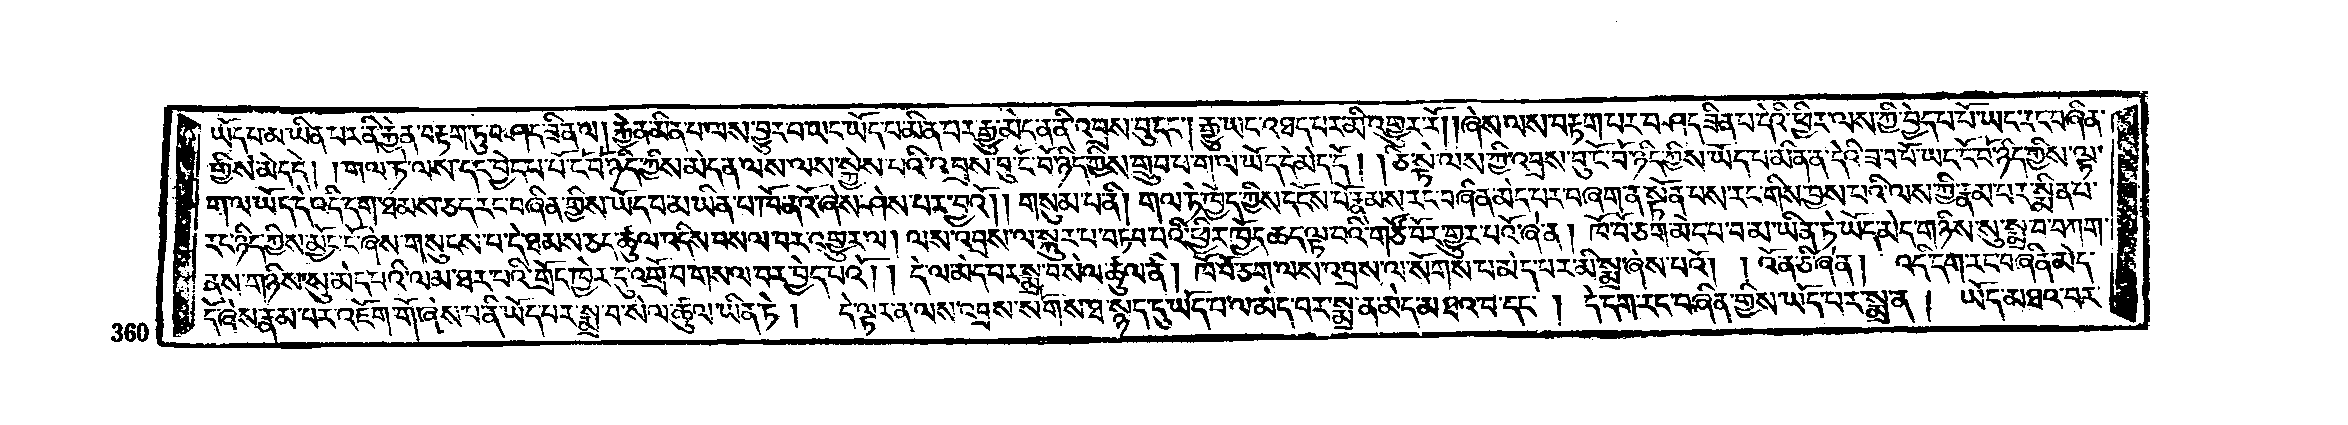ཡོད་པ་མ་ཡིན་པར་ནི་རྐྱེན་བརྟག་ཏུ་བཤད་ཟིན་ལ། རྐྱེན་མིན་པ་ལས་བྱུར་བ་ཡང་ཡོད་པ་མིན་པར་རྒྱུ་མེད་ན་ནི་འབྲས་བུ་དང་། རྒྱུ་ཡང་འཐད་པར་མི་འགྱུར་རོ། །ཞེས་ལས་བརྟག་པར་བཤད་ཟིན་པ་དེའི་ཕྱིར་ལས་ཀྱི་བྱེད་པ་པོ་ཡང་རང་བཞིན་
གྱིས་མེད་དོ། །གལ་ཏེ་ལས་དང་བྱེད་པ་པོ་ངོ་བོ་ཉིད་ཀྱིས་མེད་ན་ལས་ལས་སྐྱེས་པའི་འབྲས་བུ་ངོ་བོ་ཉིད་ཀྱིས་གྲུབ་པ་ག་ལ་ཡོད་དེ་མེད་དོ། །ཅི་སྟེ་ལས་ཀྱི་འབྲས་བུ་ངོ་བོ་ཉིད་ཀྱིས་ཡོད་པ་མིན་ན་དེའི་ཟ་བ་པོ་ཡང་ངོ་བོ་ཉིད་ཀྱིས་ལྟ་
ག་ལ་ཡོད་དེ་འདི་དག་ཐམས་ཅད་རང་བཞིན་གྱིས་ཡོད་པ་མ་ཡིན་པ་ཁོ་ནའོ་ཞེས་ཤེས་པར་བྱའོ། །གསུམ་པ་ནི། གལ་ཏེ་ཁྱོད་ཀྱིས་དངོས་པོ་རྣམས་རང་བཞིན་མེད་པར་བཞག་ན་སྟོན་པས་རང་གིས་བྱས་པའི་ལས་ཀྱི་རྣམ་པར་སྨིན་པ་
རང་ཉིད་ཀྱིས་མྱོང་ངོ་ཞེས་གསུངས་པ་དེ་ཐམས་ཅད་ཚུལ་འདིས་བསལ་བར་འགྱུར་ལ། ལས་འབྲས་ལ་སྐུར་པ་བཏབ་པའི་ཕྱིར་ཁྱོད་ཆད་ལྟ་བའི་གཙོ་བོར་གྱུར་པའོ་ཞེ་ན། ཁོ་བོ་ཅག་མེད་པ་བ་མ་ཡིན་ཏེ་ཡོད་མེད་གཉིས་སུ་སྨྲ་བ་བཀག་
ནས་གཉིས་སུ་མེད་པའི་ལམ་ཐར་པའི་གྲོང་ཁྱེར་དུ་འགྲོ་བ་གསལ་བར་བྱེད་པའོ། །དེ་ལ་མེད་པར་སྨྲ་བ་སེལ་ཚུལ་ནི། ཁོ་བོ་ཅག་ལས་འབྲས་ལ་སོགས་པ་མེད་པར་མི་སྨྲ་ཞེས་པའོ། །འོ་ན་ཅི་ཞེ་ན། འདི་དག་རང་བཞིན་མེད་
དོ་ཞེས་རྣམ་པར་འཇོག་གོ་ཞེས་པ་ནི་ཡོད་པར་སྨྲ་བ་སེལ་ཚུལ་ཡིན་ཏེ། དེ་ལྟར་ན་ལས་འབྲས་སོགས་ཐ་སྙད་དུ་ཡོད་པ་ལ་མེད་བར་སྨྲ་ན་མེད་མཐའ་བ་དང་། དེ་དག་རང་བཞིན་གྱིས་ཡོད་པར་སྨྲ་ན། ཡོད་མཐའ་བར་